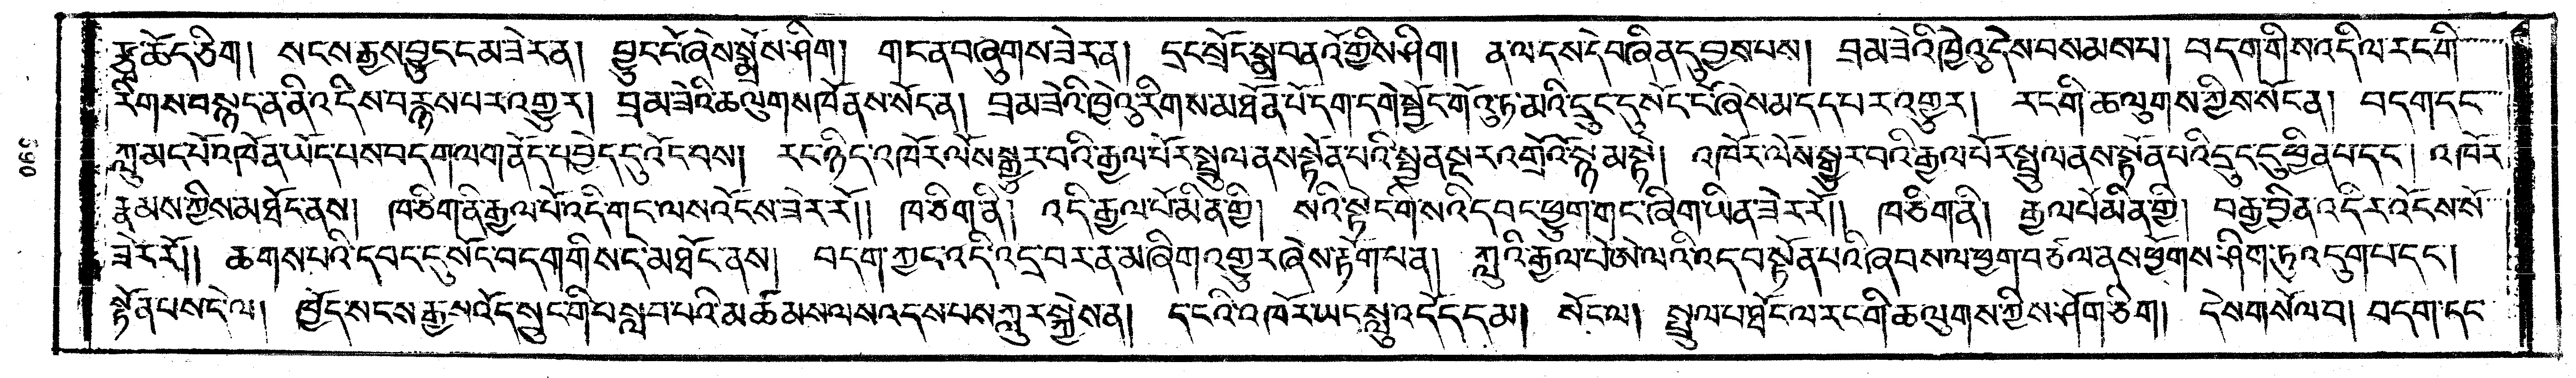རྩྭ་ཆོད་ཅིག། སངས་རྒྱས་བྱུང་ངམ་ཟེར་ན། བྱུང་ངོ་ཞེས་སྨྲོས་ཤིག། གང་ན་བཞུགས་ཟེར་ན། དྲང་སྲོང་སྨྲ་བ་ན་འོ་གྱིས་ཤིག། ན་ལ་དས་དེ་བཞིན་དུ་བྱས་པས། བྲམ་ཟེའི་ཁྱེའུ་དེས་བསམས་པ། བདག་གིས་འདི་ལ་རང་གི་
རིགས་བསྙད་ན་ནི་འདིས་བརྙས་པར་འགྱུར། བྲམ་ཟེའི་ཆ་ལུགས་ཁོ་ནས་སོང་ན། བྲམ་ཟེའི་ཁྱེའུ་རིགས་མཐོན་པོ་དག་དགེ་སྦྱོང་གོའུ་ཏ་མའི་དྲུང་དུ་སོང་ངོ་ཞེས་མ་དད་པར་འགྱུར། རང་གི་ཆ་ལུགས་ཀྱིས་སོང་ན། བདག་དང་
ཀླུ་མང་པོ་འཁོན་ཡོད་པས་བདག་ལག་ནོད་པ་བྱེད་དུ་འོང་བས། རང་ཉིད་འཁོར་ལོས་སྒྱུར་བའི་རྒྱལ་པོར་སྤྲུལ་ནས་སྟོན་པའི་སྤྱན་སྔར་འགྲོའི་སྙམ་སྟེ། འཁོར་ལོས་སྒྱུར་པའི་རྒྱལ་པོར་སྤྲུལ་ནས་སྟོན་པའི་དྲུང་དུ་ཕྱིན་པ་དང་། འཁོར་
རྣམས་ཀྱིས་མཐོང་ནས། ཁ་ཅིག་ནི་རྒྱལ་པོ་འདི་གང་ལས་འོངས་ཟེར་རོ།། ཁ་ཅིག་ནི། འདི་རྒྱལ་པོ་མིན་གྱི། སའི་སྟེང་གི་སའི་དབང་ཕྱུག་གང་ཞིག་ཡིན་ཟེར་རོ།། ཁ་ཅིག་ནི། རྒྱལ་པོ་མིན་གྱི། བརྒྱ་བྱིན་འདིར་འོངས་སོ་
ཟེར་རོ།། ཆགས་པའི་དབང་དུ་སོང་བདག་གིས་དེ་མཐོང་ནས། བདག་ཀྱང་འདི་འདྲ་བར་ན་མ་ཞིག་འགྱུར་ཞེས་རྟོག་པ་ན། ཀླུའི་རྒྱལ་པོ་ཨེ་ལའི་འད་བ་སྟོན་པའི་ཞབས་ལ་ཕྱག་བཙལ་ནས་ཕྱོགས་ཤིག་ཏུ་འདུག་པ་དང་།
སྟོན་པས་དེ་ལ། ཁྱོད་སངས་རྒྱས་འོད་སྲུང་གི་བསླབ་པའི་མཚམས་ལས་འདས་པས་ཀླུར་སྐྱེས་ན། ད་ངའི་འཁོར་ཡང་སླུ་འདོད་དམ། སོང་ལ། སྤྲུལ་པ་ཐོང་ལ་རང་གི་ཆ་ལུགས་ཀྱིས་ཤོག་ཅིག། དེས་གསོལ་བ། བདག་དང་